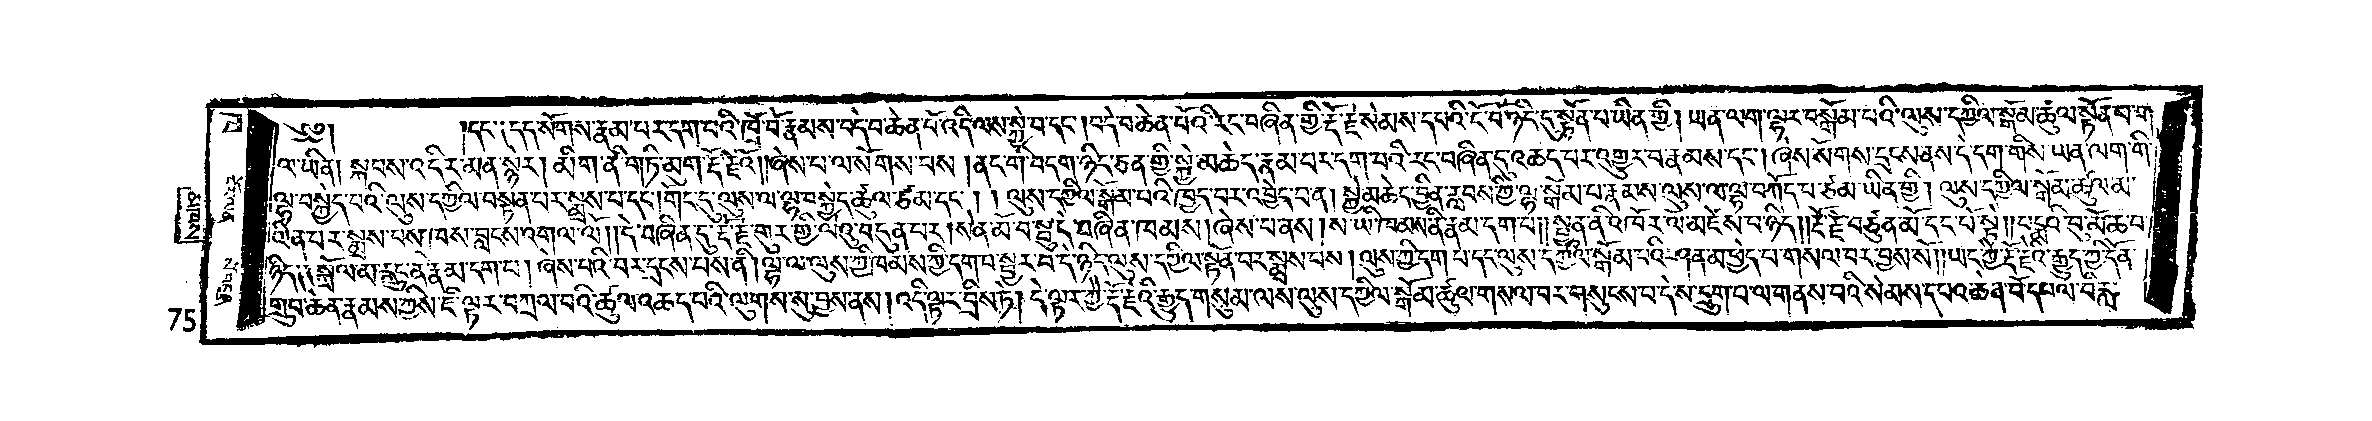༄༅། །དང༑ དད་སོགས་རྣམ་པར་དག་པའི་ཁྲོ་བོ་རྣམས་བདེ་བ་ཆེན་པོ་འདི་ལས་སྐྱེ་བ་དང་། བདེ་བ་ཆེན་པོའི་རང་བཞིན་གྱི་རྡོ་རྗེ་སེམས་དཔའི་ངོ་བོ་ཉིད་དུ་སྟོན་པ་ཡིན་གྱི། ཡན་ལག་ལྷར་བསྒོམ་པའི་ལུས་དཀྱིལ་སྒོམ་ཚུལ་སྟོན་པ་ག་
ལ་ཡིན། སྐབས་འདིར་མན་སྙེར། མིག་ནི་གཏི་མུག་རྡོ་རྗེའོ། །ཞེས་པ་ལ་སོགས་པས། ནང་གི་བདག་ཉིད་ཅན་གྱི་སྐྱེ་མཆེད་རྣམ་པར་དག་པའི་རང་བཞིན་དུ་འཆད་པར་འགྱུར་བ་རྣམས་དང་། ཞེས་སོགས་དྲངས་ནས་དེ་དག་གིས་ཡན་ལག་གི་
ལྷ་བསྐྱེད་པའི་ལུས་དཀྱིལ་བསྟན་པར་སྨྲས་པ་དང་། གོང་དུ་ལུས་ལ་ལྷ་བསྐྱེད་ཚུལ་ཙམ་དང་། །ལུས་དཀྱིལ་སྒོམ་པའི་ཁྱད་པར་འབྱེད་པ་ན། སྐྱེ་མཆོད་བྱིན་རླབས་ཀྱི་ལྷ་སྒོམ་པ་རྣམས་ལུས་ལ་ལྷ་བཀོད་པ་ཙམ་ཡིན་གྱི། ལུས་དཀྱིལ་སྒོམ་ཚུལ་མ་
ཡིན་པར་སྨྲས་པས་ཁས་བླངས་འགལ་ལོ། །དེ་བཞིན་དུ་རྡོ་རྗེ་གུར་གྱི་ལེའུ་བདུན་པར། སེན་མོ་བ་སྦུ་དེ་བཞིན་ཁམས། ཞེས་པ་ནས། ས་ཡེ་ཁམས་ནི་རྣམ་དག་པ། །སྤྱན་ནི་འཁོར་ལོ་མཛེས་པ་ཉིད། །རྡོ་རྗེ་བཙུན་མོ་དང་པོ་སྟེ། །པདྨའི་བུ་མོ་ཚ་བ་
ཉིད༑ ༑སྒྲོལ་མ་རླུང་ནི་རྣམ་དག་པ། ཞེས་པའི་བར་དྲངས་པས་ནི། ལྷ་ལ་ལུས་ཀྱི་ཁམས་ཀྱི་དག་པ་སྦྱར་བ་དེ་ཉིད་ལུས་དཀྱིལ་སྟོན་པར་སྨྲས་པས། ལུས་ཀྱི་དག་པ་དང་ལུས་དཀྱིལ་སྒོམ་པའི་ཤན་མ་ཕྱེད་པ་གསལ་བར་བྱས་སོ། །ཡང་ཀྱཻ་རྡོ་རྗེའི་རྒྱུད་ཀྱི་དོན་
གྲུབ་ཆེན་རྣམས་ཀྱིས་ཇི་ལྟར་བཀྲལ་བའི་ཚུལ་འཆད་པའི་ལུགས་སུ་བྱས་ནས། འདི་ལྟར་བྲིས་ཏེ། དེ་ལྟར་ཀྱཻ་རྡོ་རྗེའི་རྒྱུད་གསུམ་ལས་ལུས་དཀྱིལ་སྒོམ་ཚུལ་གསལ་བར་གསུངས་པ་དེ་ས་དྲུག་པ་ལ་གནས་པའི་སེམས་དཔའ་ཆེན་པོ་དཔལ་བི་རླ་